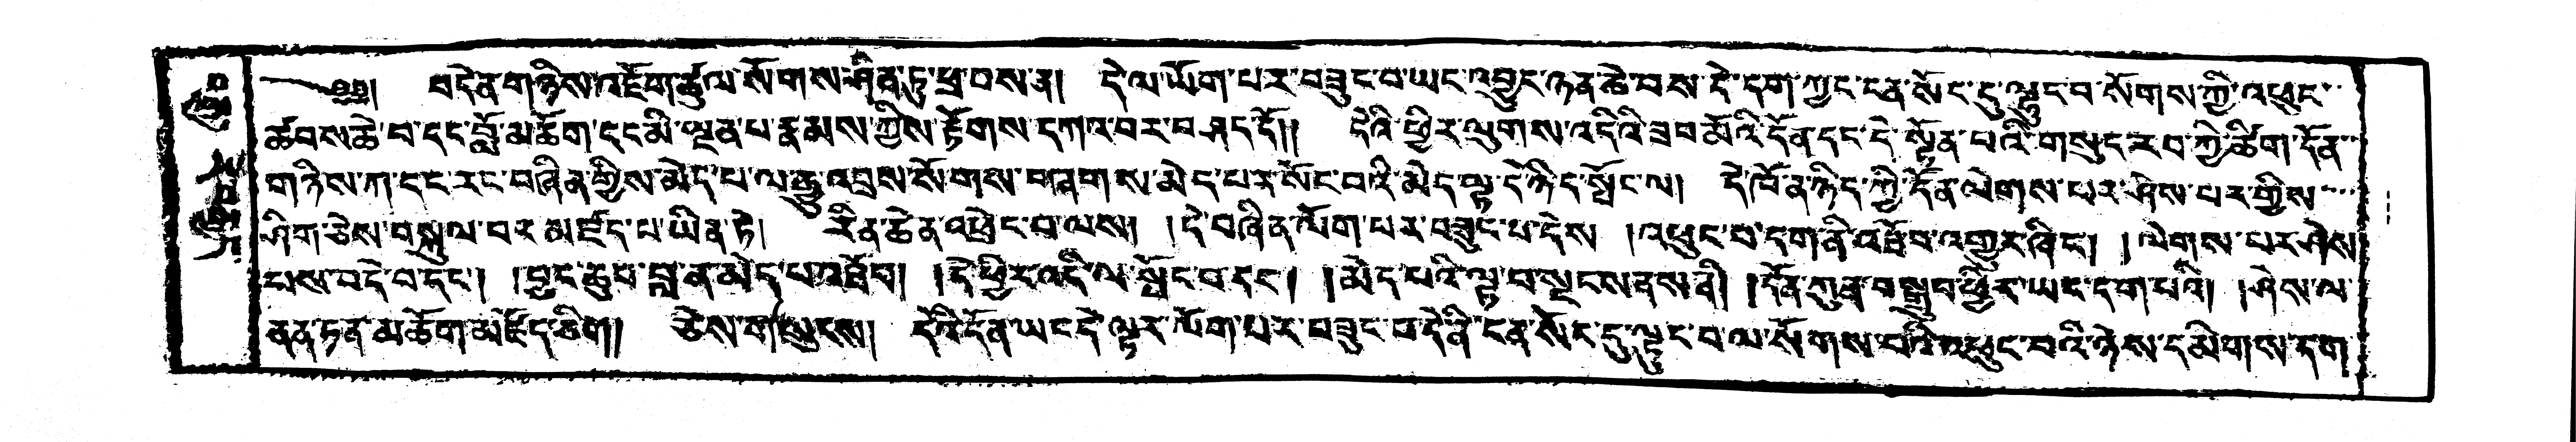༄༅། །བདེན་གཉིས་འཇོག་ཚུལ་སོགས་ཤིན་ཏུ་ཕྲ་བས་ན། དེ་ལ་ཡོག་པར་བཟུང་བ་ཡང་འབྱུང་ཉན་ཆེ་བས་དེ་དག་ཀྱང་ངན་སོང་དུ་ལྷུང་བ་སོགས་ཀྱི་འཕུང་
ཚབས་ཆེ་བ་དང་བློ་མཆོག་དང་མི་ལྡན་པ་རྣམས་ཀྱིས་རྟོགས་དཀའ་བར་བཤད་དོ། །དེའི་ཕྱིར་ལུགས་འདིའི་ཟབ་མོའི་དོན་དང་དེ་སྟོན་པའི་གསུང་རབ་ཀྱི་ཚིག་དོན་
གཉིས་ཀ་དང་རང་བཞིན་གྱིས་མེད་པ་ལ་རྒྱུ་འབྲས་སོགས་བཞགས་མེད་པར་སོང་བའི་མེད་ལྟ་དེ་ཉིད་སྤོང་ལ། དེ་ཁོ་ན་ཉིད་ཀྱི་དོན་ལེགས་པར་ཤེས་པར་གྱིས་
ཤིག་ཅེས་བསྐུལ་བར་མཛད་པ་ཡིན་ཏེ། རིན་ཆེན་འཕྲེང་བ་ལས། །དེ་བཞིན་ལོག་པར་བཟུང་པ་དེས་།འཕུང་བ་དག་ནི་འཐོབ་འགྱུར་ཞིང་། །ལེགས་པར་ཤེས་
པས་བདེ་བ་དང་། །བྱང་ཆུབ་བླ་ན་མེད་པ་འཐོབ། །དེ་ཕྱིར་འདི་ལ་སྤོང་བ་དང་། །མེད་པའི་ལྟ་བ་སྡངས་ནས་ནི། །དོན་ཀུན་བསྒྲུབ་ཕྱིར་ཡང་དག་པའི། །ཤེས་ལ་
ནན་ཏན་མཆོག་མཛོད་ཅིག། ཅེས་གསུངས། དེའི་དོན་ཡང་དེ་ལྟར་ལོག་པར་བཟུང་བ་དེ་ནི་ངན་སོང་དུ་ལྟུང་བ་ལ་སོགས་བའི་འཕུང་བའི་ཉེས་དམིགས་དག་